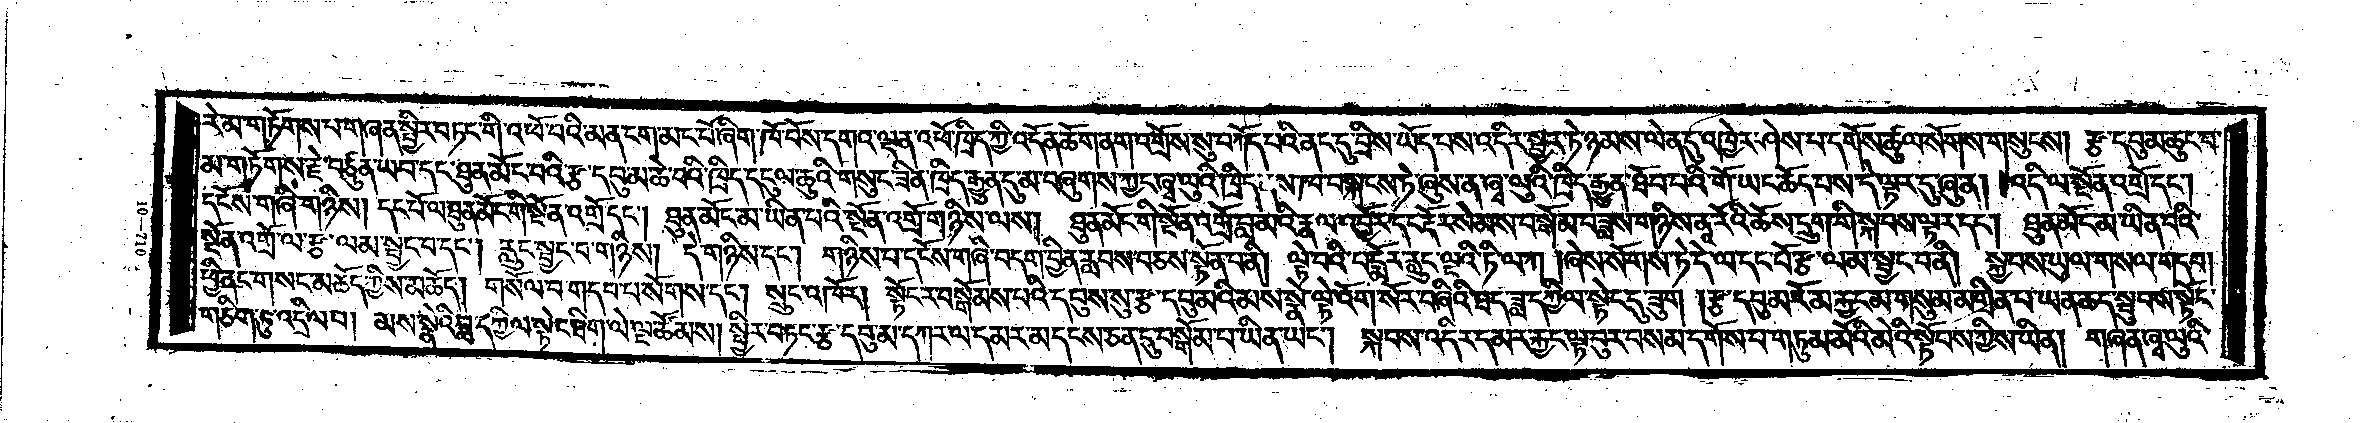རེ་མ་གཏོགས་པ་གཞན་སྤྱིར་བཏང་གི་འཕོ་བའི་མན་ངག་མང་པོ་ཞིག་ཁོ་བོས་དགའ་ལྡན་འཕོ་ཁྲིད་ཀྱི་འདོན་ཆོག་ནག་འགྲོས་སུ་བཀོད་པའི་ནང་དུ་བྲིས་ཡོད་པས་འདིར་སྦྱར་ཏེ་ཉམས་ལེན་དུ་འཁྱེར་ཤེས་པ་དགོས་ཚུལ་སོགས་གསུངས། རྩ་དབུ་མ་ཆུང་བ་
མ་གཏོགས་རྗེ་བཙུན་ཡབ་དང་ཐུན་མོང་བའི་རྩ་དབུ་མ་ཆེ་བའི་ཁྲིད་དངུལ་ཆུའི་གསུང་ཟིན་ཁྲིད་རྒྱུན་དུ་མ་བཞུགས་ཀྱང་ཞྭ་ལུའི་ཁྲིད་ནས་ཁ་བསྐངས་ཏེ་ཞུས་ན་ཞྭ་ལུའི་ཁྲིད་རྒྱུན་ཐོབ་པའི་གོ་ཡང་ཆོད་པས་དེ་ལྟར་དུ་ཞུ་ན། འདི་ལ་སྔོན་འགྲོ་དང་།
དངོས་གཞི་གཉིས། དང་པོ་ལ་ཐུན་མོང་གི་སྔོན་འགྲོ་དང་། ཐུན་མོང་མ་ཡིན་པའི་སྔོན་འགྲོ་གཉིས་ལས། ཐུན་མོང་གི་སྔོན་འགྲོ་བླ་མའི་རྣལ་འབྱོར་དང་རྡོར་སེམས་བསྒོམ་བཟླས་གཉིས་ནཱ་རོའི་ཆོས་དྲུག་གི་སྐབས་ལྟར་དང་། ཐུན་མོང་མ་ཡིན་པའི་
སྔོན་འགྲོ་ལ་རྩ་ལམ་སྦྱང་བ་དང་། རླུང་སྦྱང་བ་གཉིས། དེ་གཉིས་དང་། གཉིས་པ་དངོས་གཞི་བདག་བྱིན་རླབས་བཅས་སྟོན་པ་ནི། ལྟེ་བའི་པདམོར་རླུང་ལྔའི་ཏི་ལ་ཀ། ཞེས་སོགས་ཏེ་དེ་ལ་དང་པོ་རྩ་ལམ་སྦྱང་བ་ནི། སྐྱབས་ཡུལ་གསལ་གདབ།
ཕྱི་ནང་གསང་མཆོད་ཀྱིས་མཆོད། གསོལ་བ་གདབ་པ་སོགས་དང་། སྲུང་འཁོར། སྟོང་ར་བསྒོམས་པའི་དབུས་སུ་རྩ་དབུ་མའི་མས་སྣེ་ལྟེ་འོག་སོར་བཞིའི་ཐད་ཟླ་དཀྱིལ་སྟེང་དུ་ཟུག །རྩ་དབུ་མ་རོ་མ་རྐྱང་མ་གསུམ་མགྲིན་པ་ཡན་ཆད་སྦུབས་སྟོང་
གཅིག་ཏུ་འདྲིལ་བ། མས་སྣེའི་ཟླ་དཀྱིལ་སྟེང་ཐིག་ལེ་ལྔ་ཚོ་མས། སྤྱིར་བཏང་རྩ་དབུ་མ་དཀར་ལ་དམར་མ་དངས་ཅན་དུ་བསྒོམ་པ་ཡིན་ཡང་། སྐབས་འདིར་དམར་རྐྱང་ལྟ་བུར་བསམ་དགོས་པ་གཏུམ་མོའི་མེའི་སྟོབས་ཀྱིས་ཡིན། གཞན་ཞྭ་ལུའི་